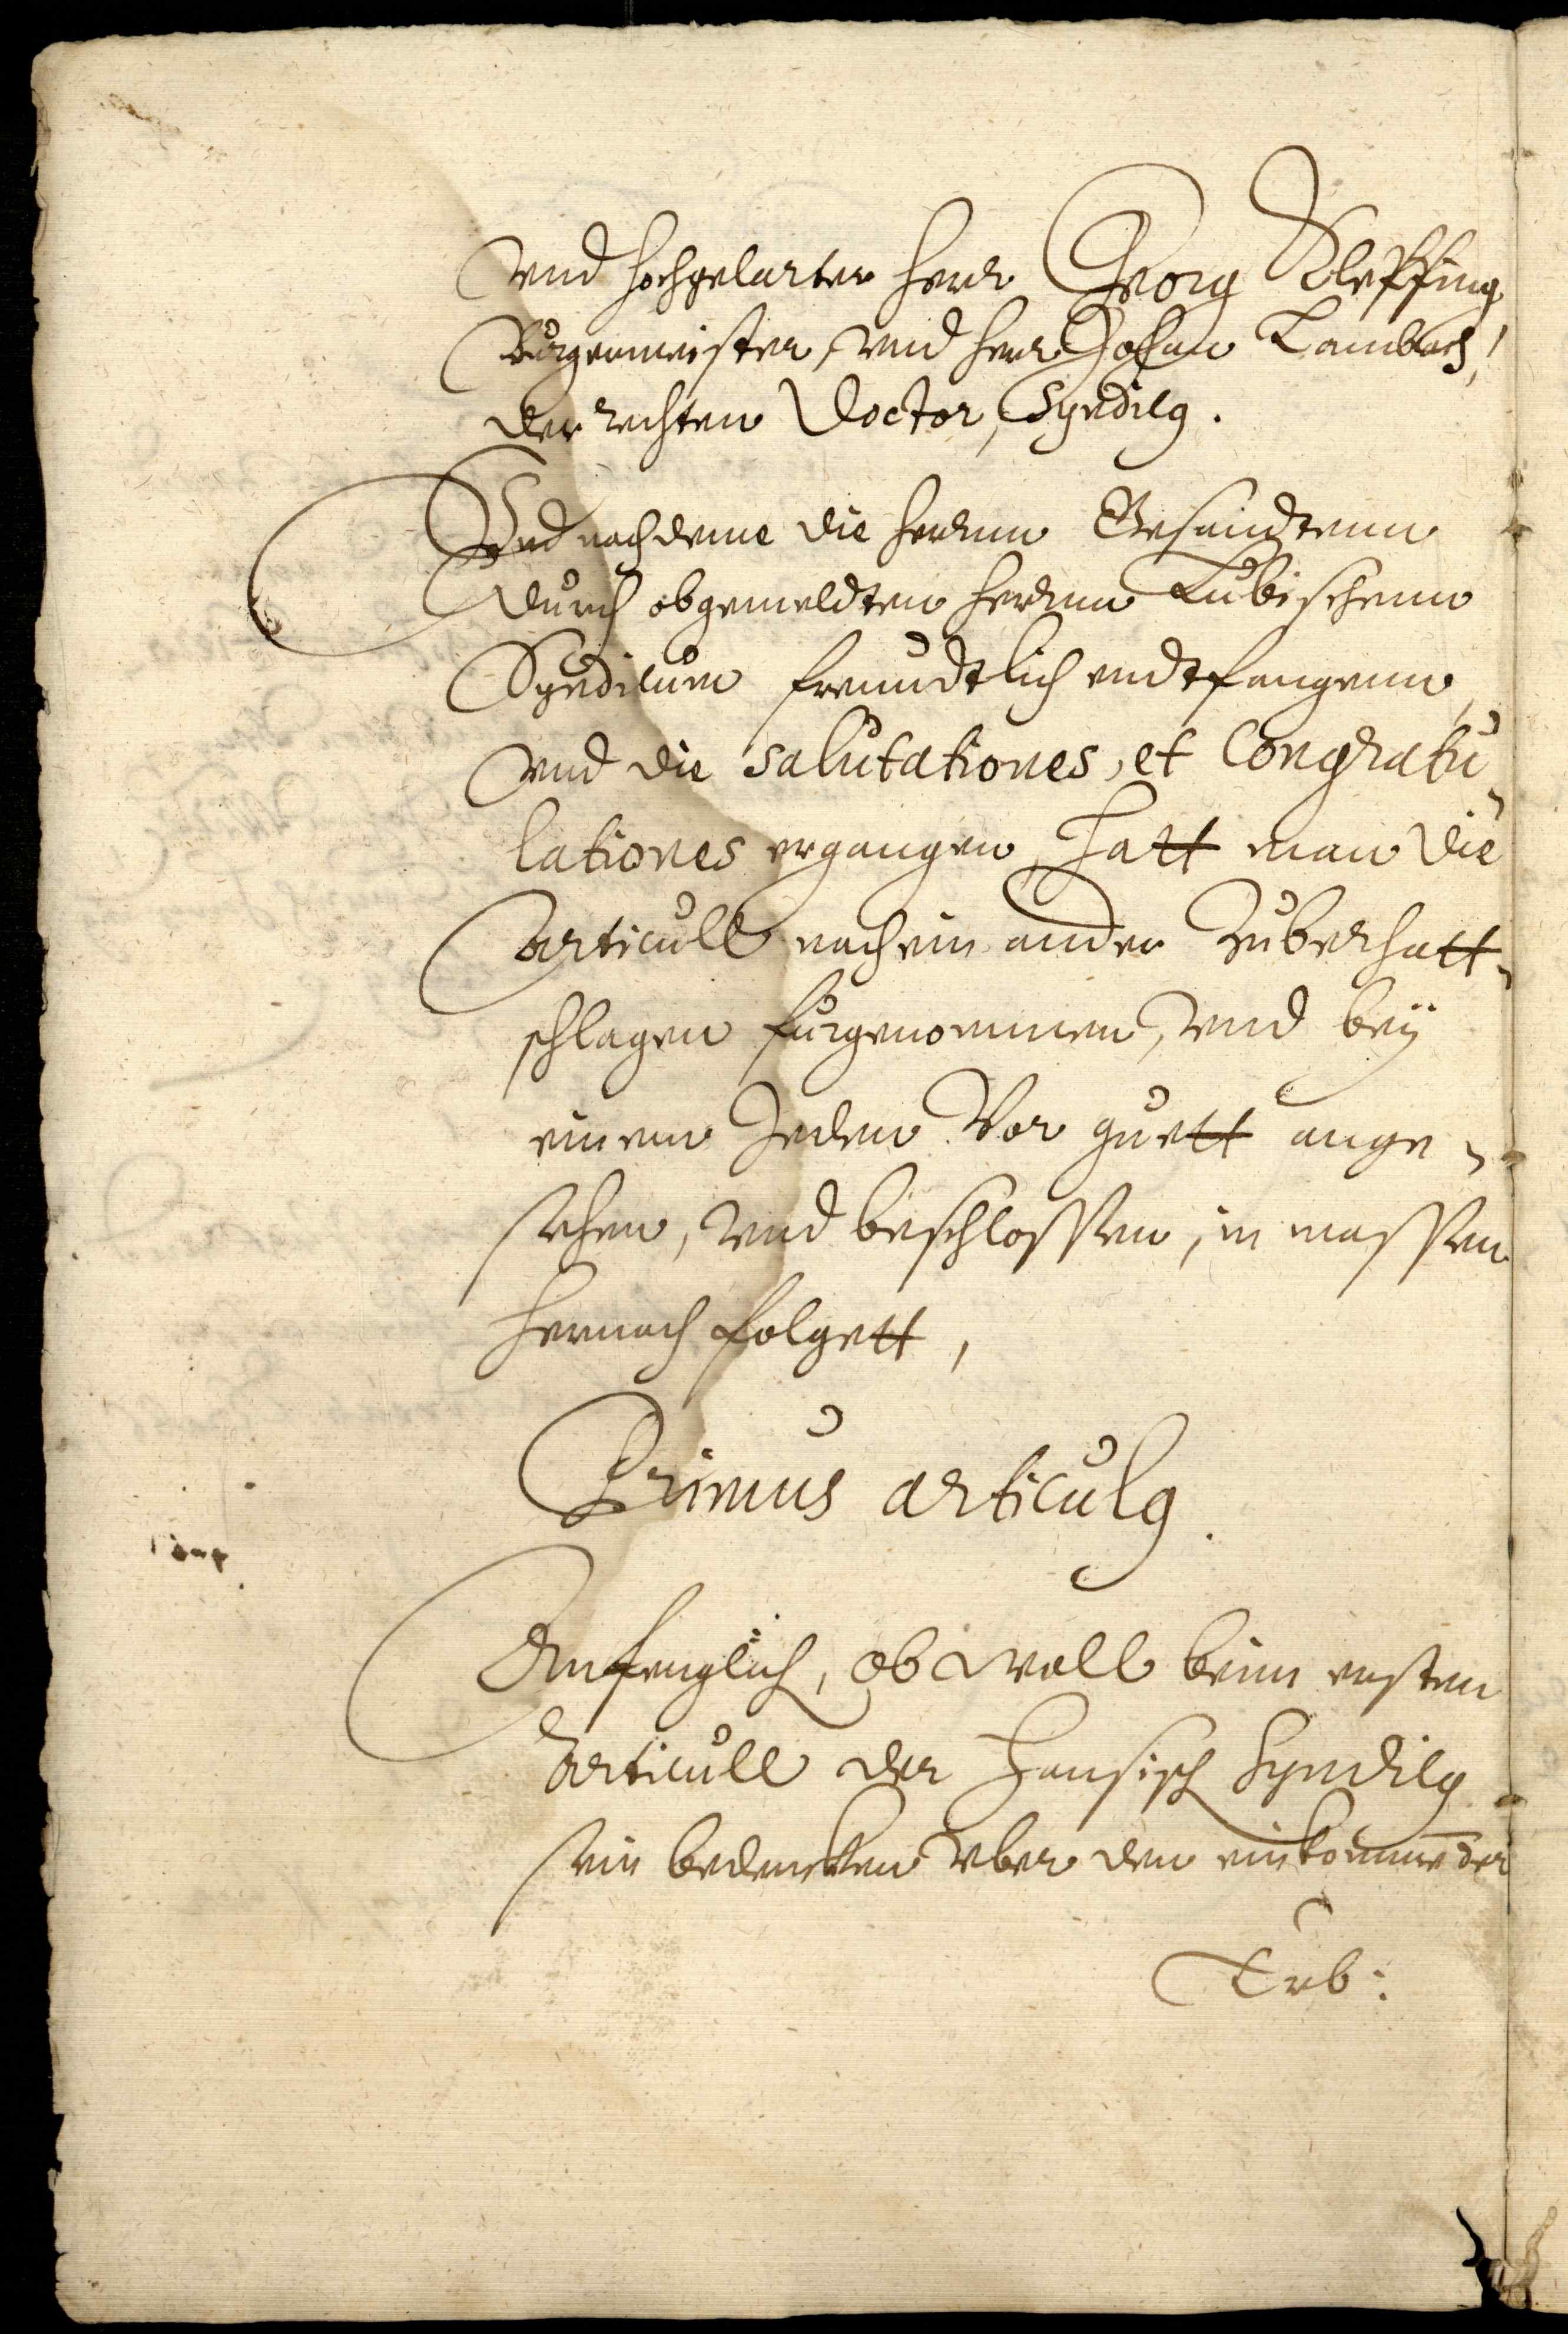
Vnd hochgelarten hern Georg Kleffing
Burgermeister, vnd her Johan Lambach,
der rechten Doctor Syndicus.
Vnd nachdeme die herren Gesandtenn
durch obgemeldten herren Lubischenn
Syndicum freundtlich endtfangnen,
vnd die salutationes, et Congratu¬
lationes ergangen, hatt man die
Articull nachein ander Zuberhatt¬
schlagen furgenommenn, vnnd beij
einem Jeden Vor guett ange¬
sehen, vnd beschlossen, in wessen
hernach folgett,
Primus articulus.
Anfenglich, obwoll beim ersten
Articull der Hansischen Syndicus
sein bedencken vber den einkommenden
Erb:
